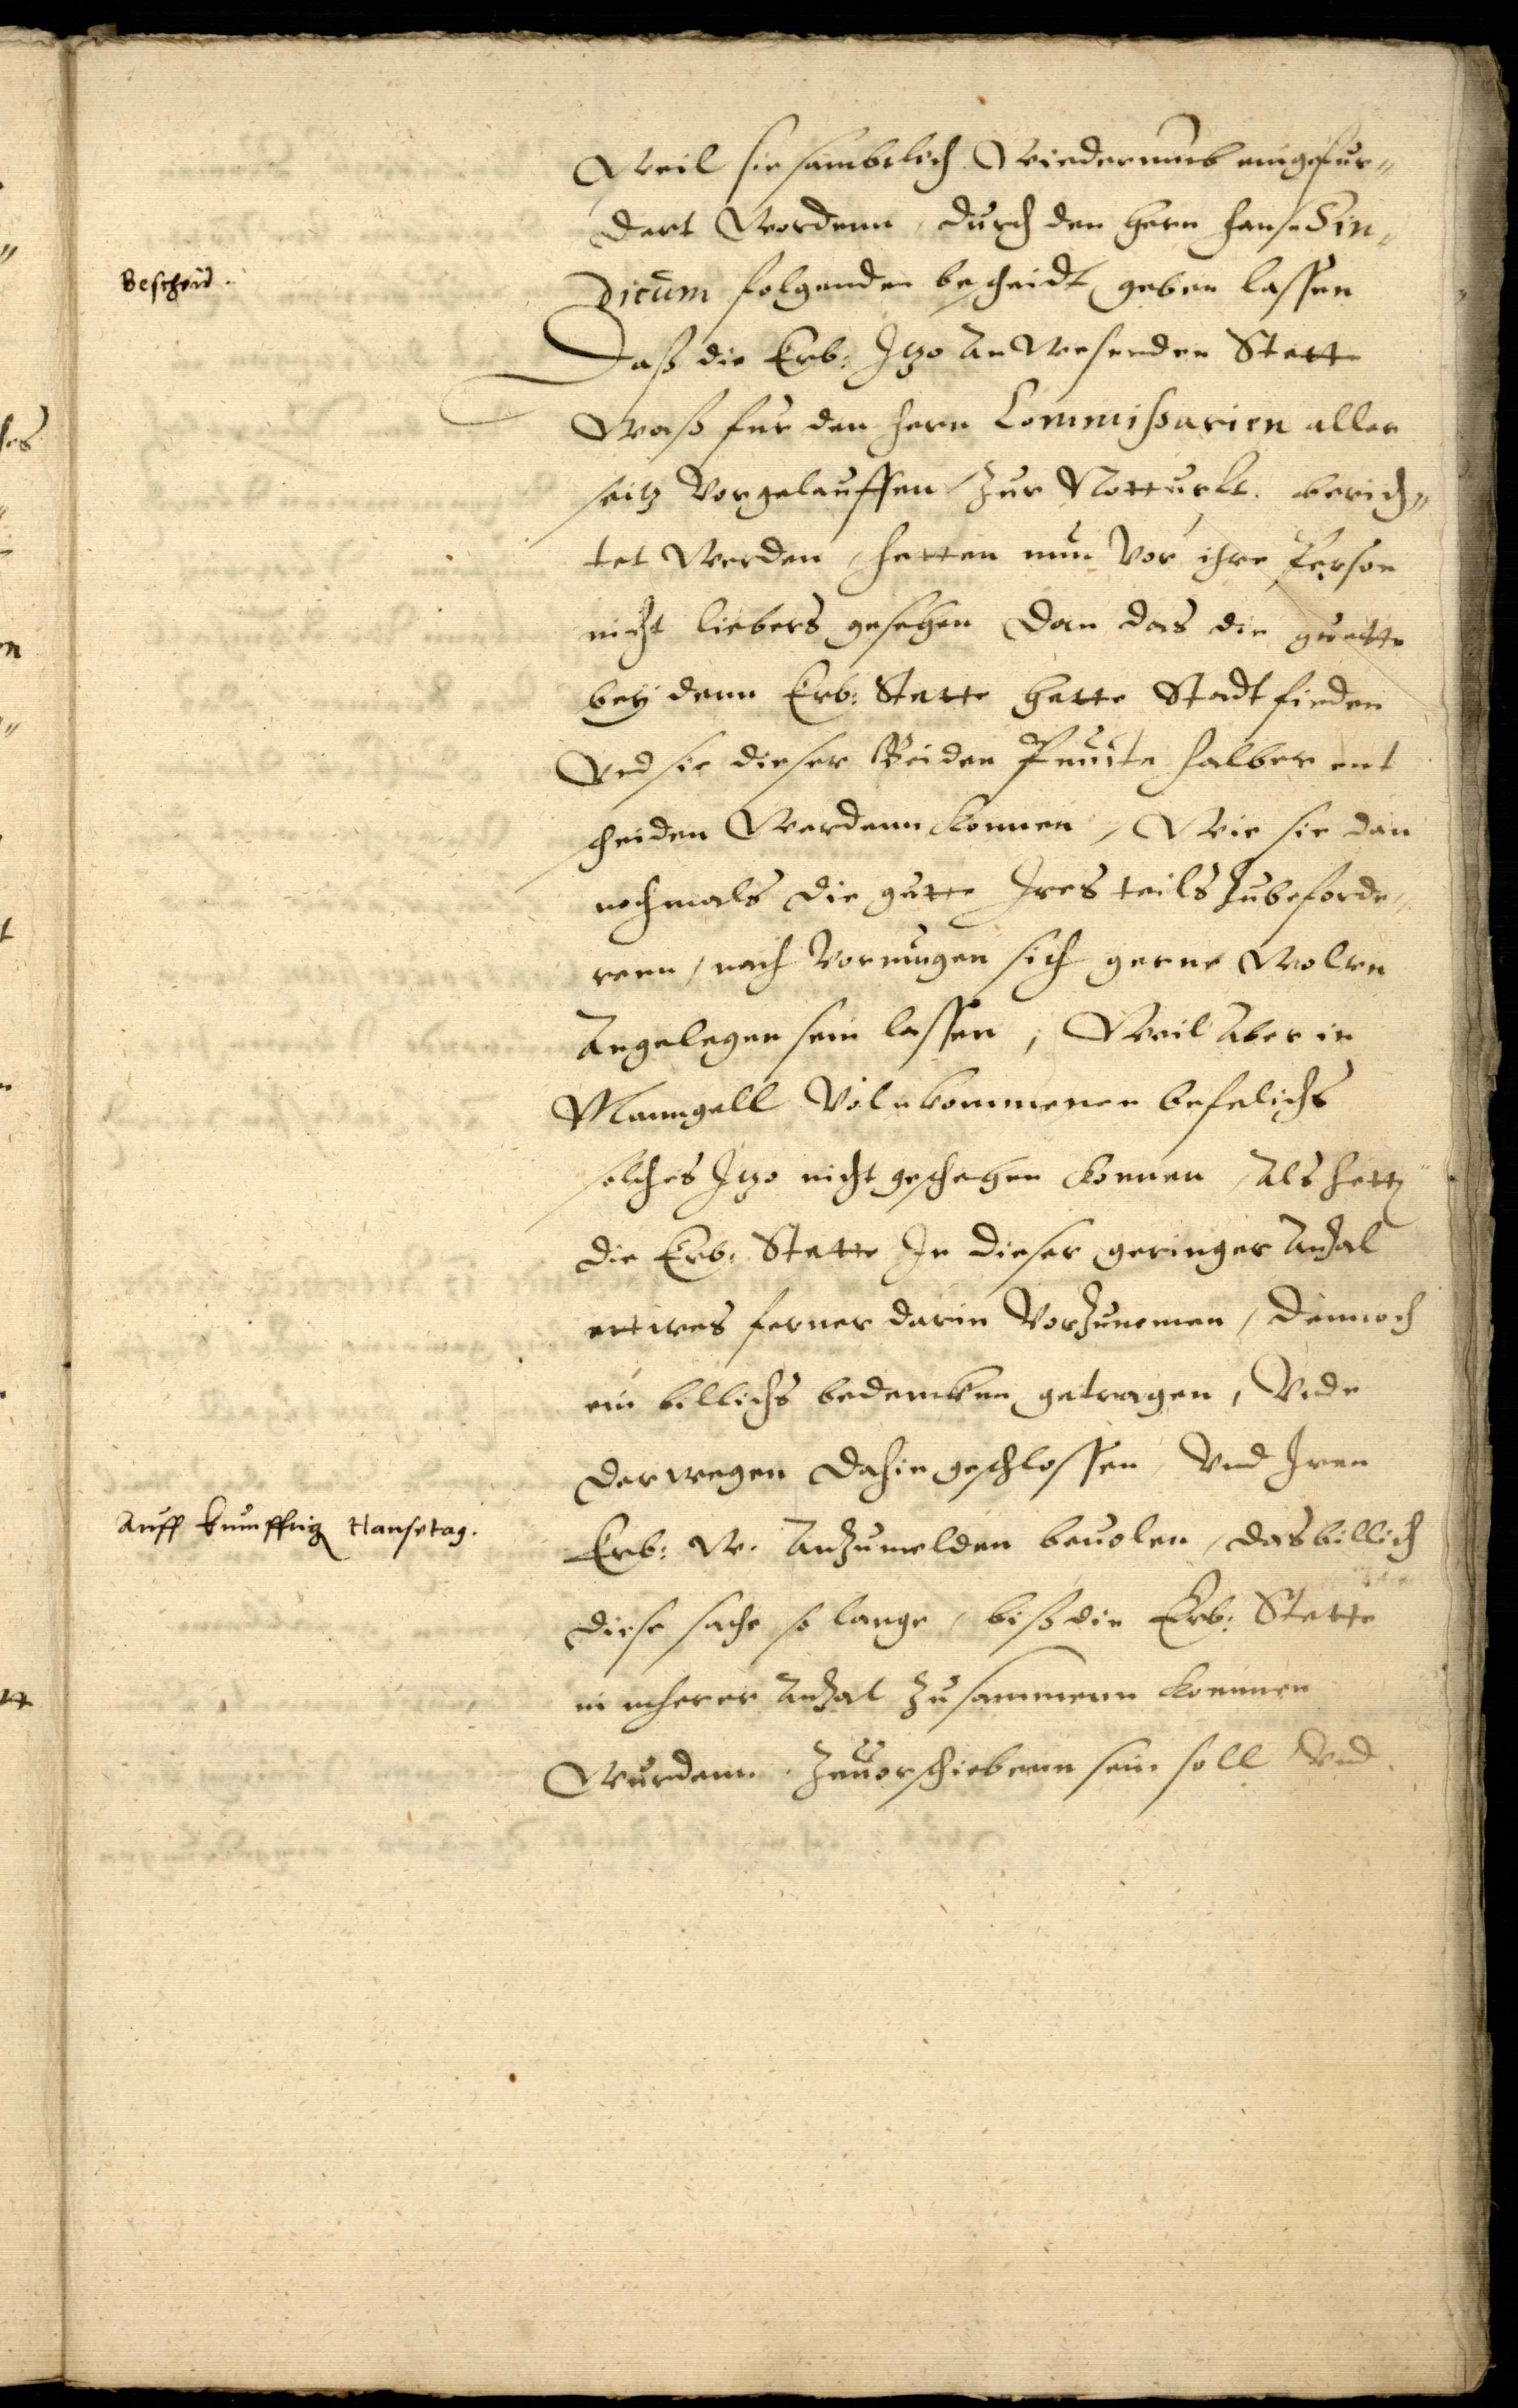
weil sie sAmbtlich Wiederumb eingefur¬
dert Wordenn, durch den Hern hanse Sin¬
dicum folgenden bescheidt geben lassen
Daß die Erb: Itzo Anwesenden Stett
waß fur den hern Commissarien aller
seitz Vorgelauffen, zur Notturft berich¬
tet Werden, hetten nun Vor ihre Person
nicht liebers gesehen dan das die guette
beij denn Erb: Stette Hette Stadtfinden
Vnd sie dieser Beiden Puncte halber ent¬
scheiden Werdenn konnen, Wie sie dan
nochmals die gutte Ires teils zubeforde¬
renn, nach Vormugen sich gerne wolten
Angelegen sein lassen, Weil Aber in
Manngell Volnkommener befelichs
solches Itzo nicht geschehen konnen, Als hetten
die Erb: Stette In dieser geringer Anzal
ettwes ferner Vorzunemen, dennoch
ein billichs bedencken getragen, Vnde
derwegen dahin geschlossen, Vnd Iren
Erb: W. Anzumelden beuolen, das billich
diese sache so lange, biß die Erb: Stette
in mhererer Anzal zusammen kommen
Wurdenn, zuuorschiebenn sein soll Vnd
Bescheid.
Auff kunfftigen Hansetag.
